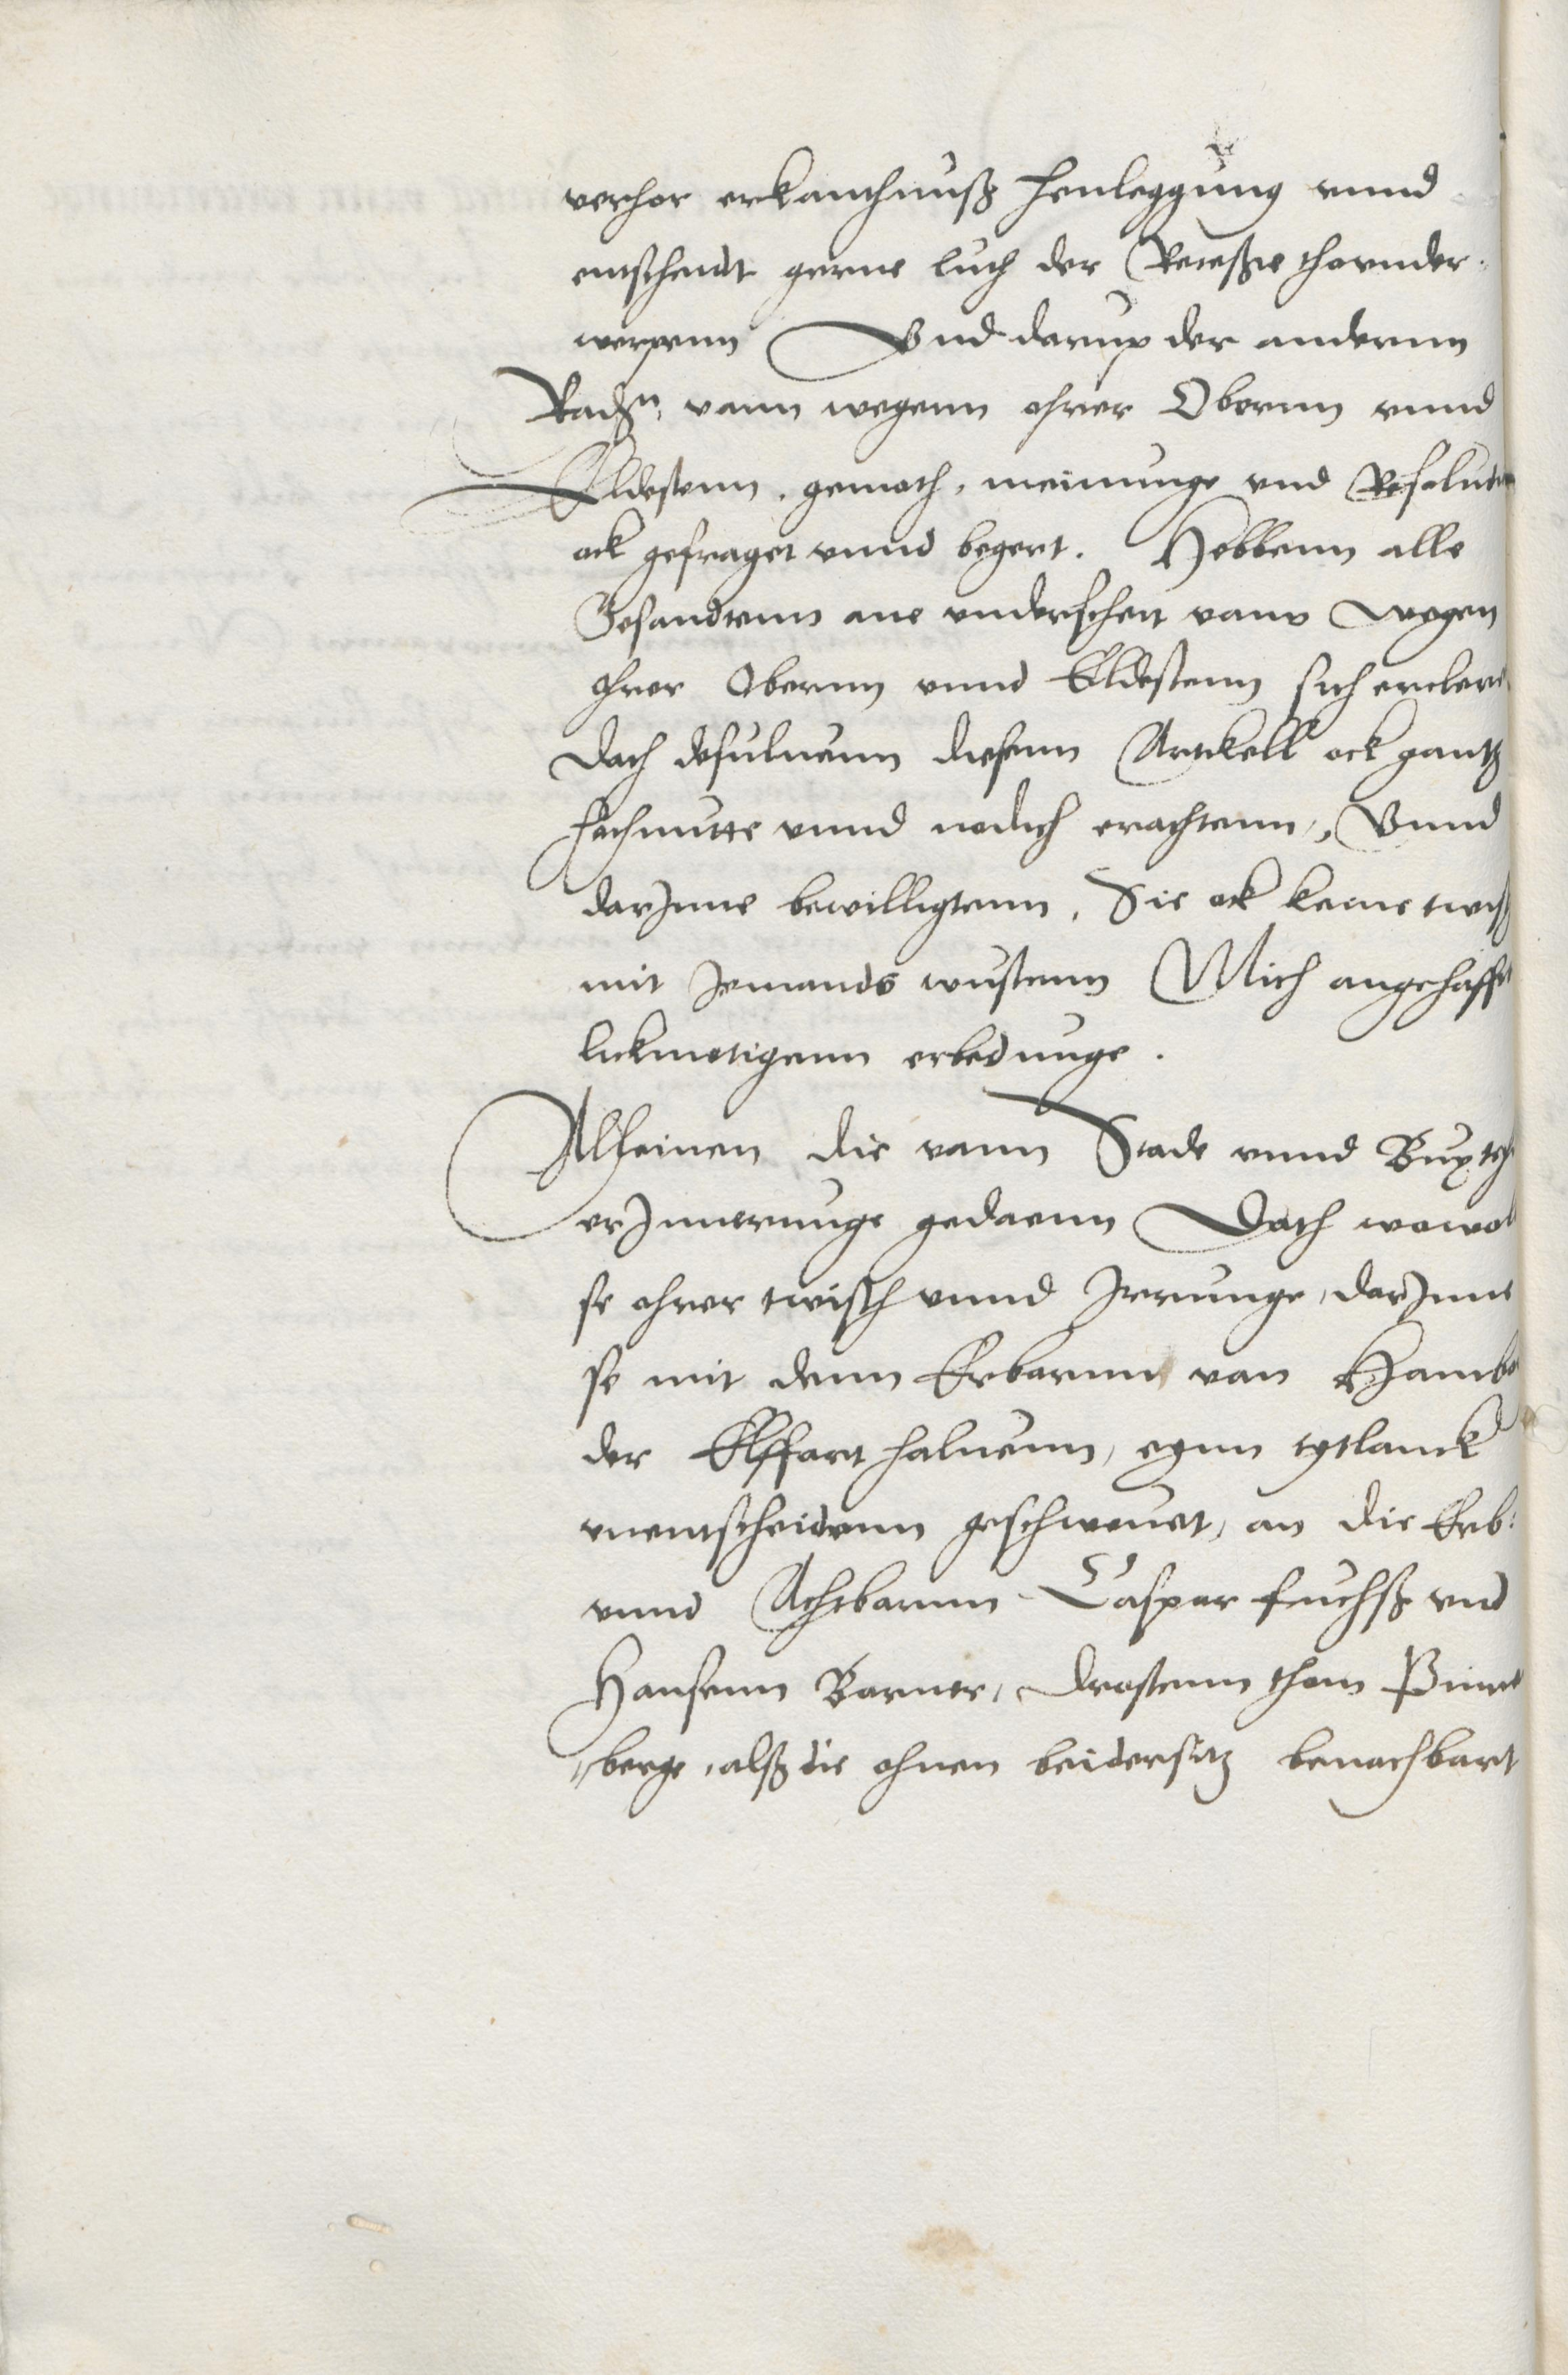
verhor erkanthnuß henleggung vnnd
entscheidt gerne luth der Receße thovnder¬
werpenn Vnd darup der andernn
Rad: vann wegenn ohrer Obernn vnnd
Eldestenn, gemoth, meinunge vnd Resolution
ock gefraget vnnd begert. Hebbenn alle
Gesandtenn ane vnderscheit vann wegen
ohrer Obernn vnd Eldestenn sich ercleret
Dath desuluenn diesenn Artikell ock gantz
hochnutte vnnd nodich erachtenn, Vnnd
darjnne bewilligtenn, Sie ock keine twisth
mit jemands wustenn Mith angehaff
lickmetigenn erbedunge.
Alleinen die vann Stade vnnd Buxteh
erjnnerunge gedaenn Dath wowoll
se ohrer twisth vnnd jrrunge, darjnne
se mit denn Erbarnn van Hambo
der Elffart haluenn, eynn tytlanck
vnentscheidenn geschweuet, an die Erb:
vnnd Achtbarnn Caspar fuchß vnd
Hansenn Barner, Drostenn thom Pinne¬
berge, alß die ohnen beidersitz benachbart
